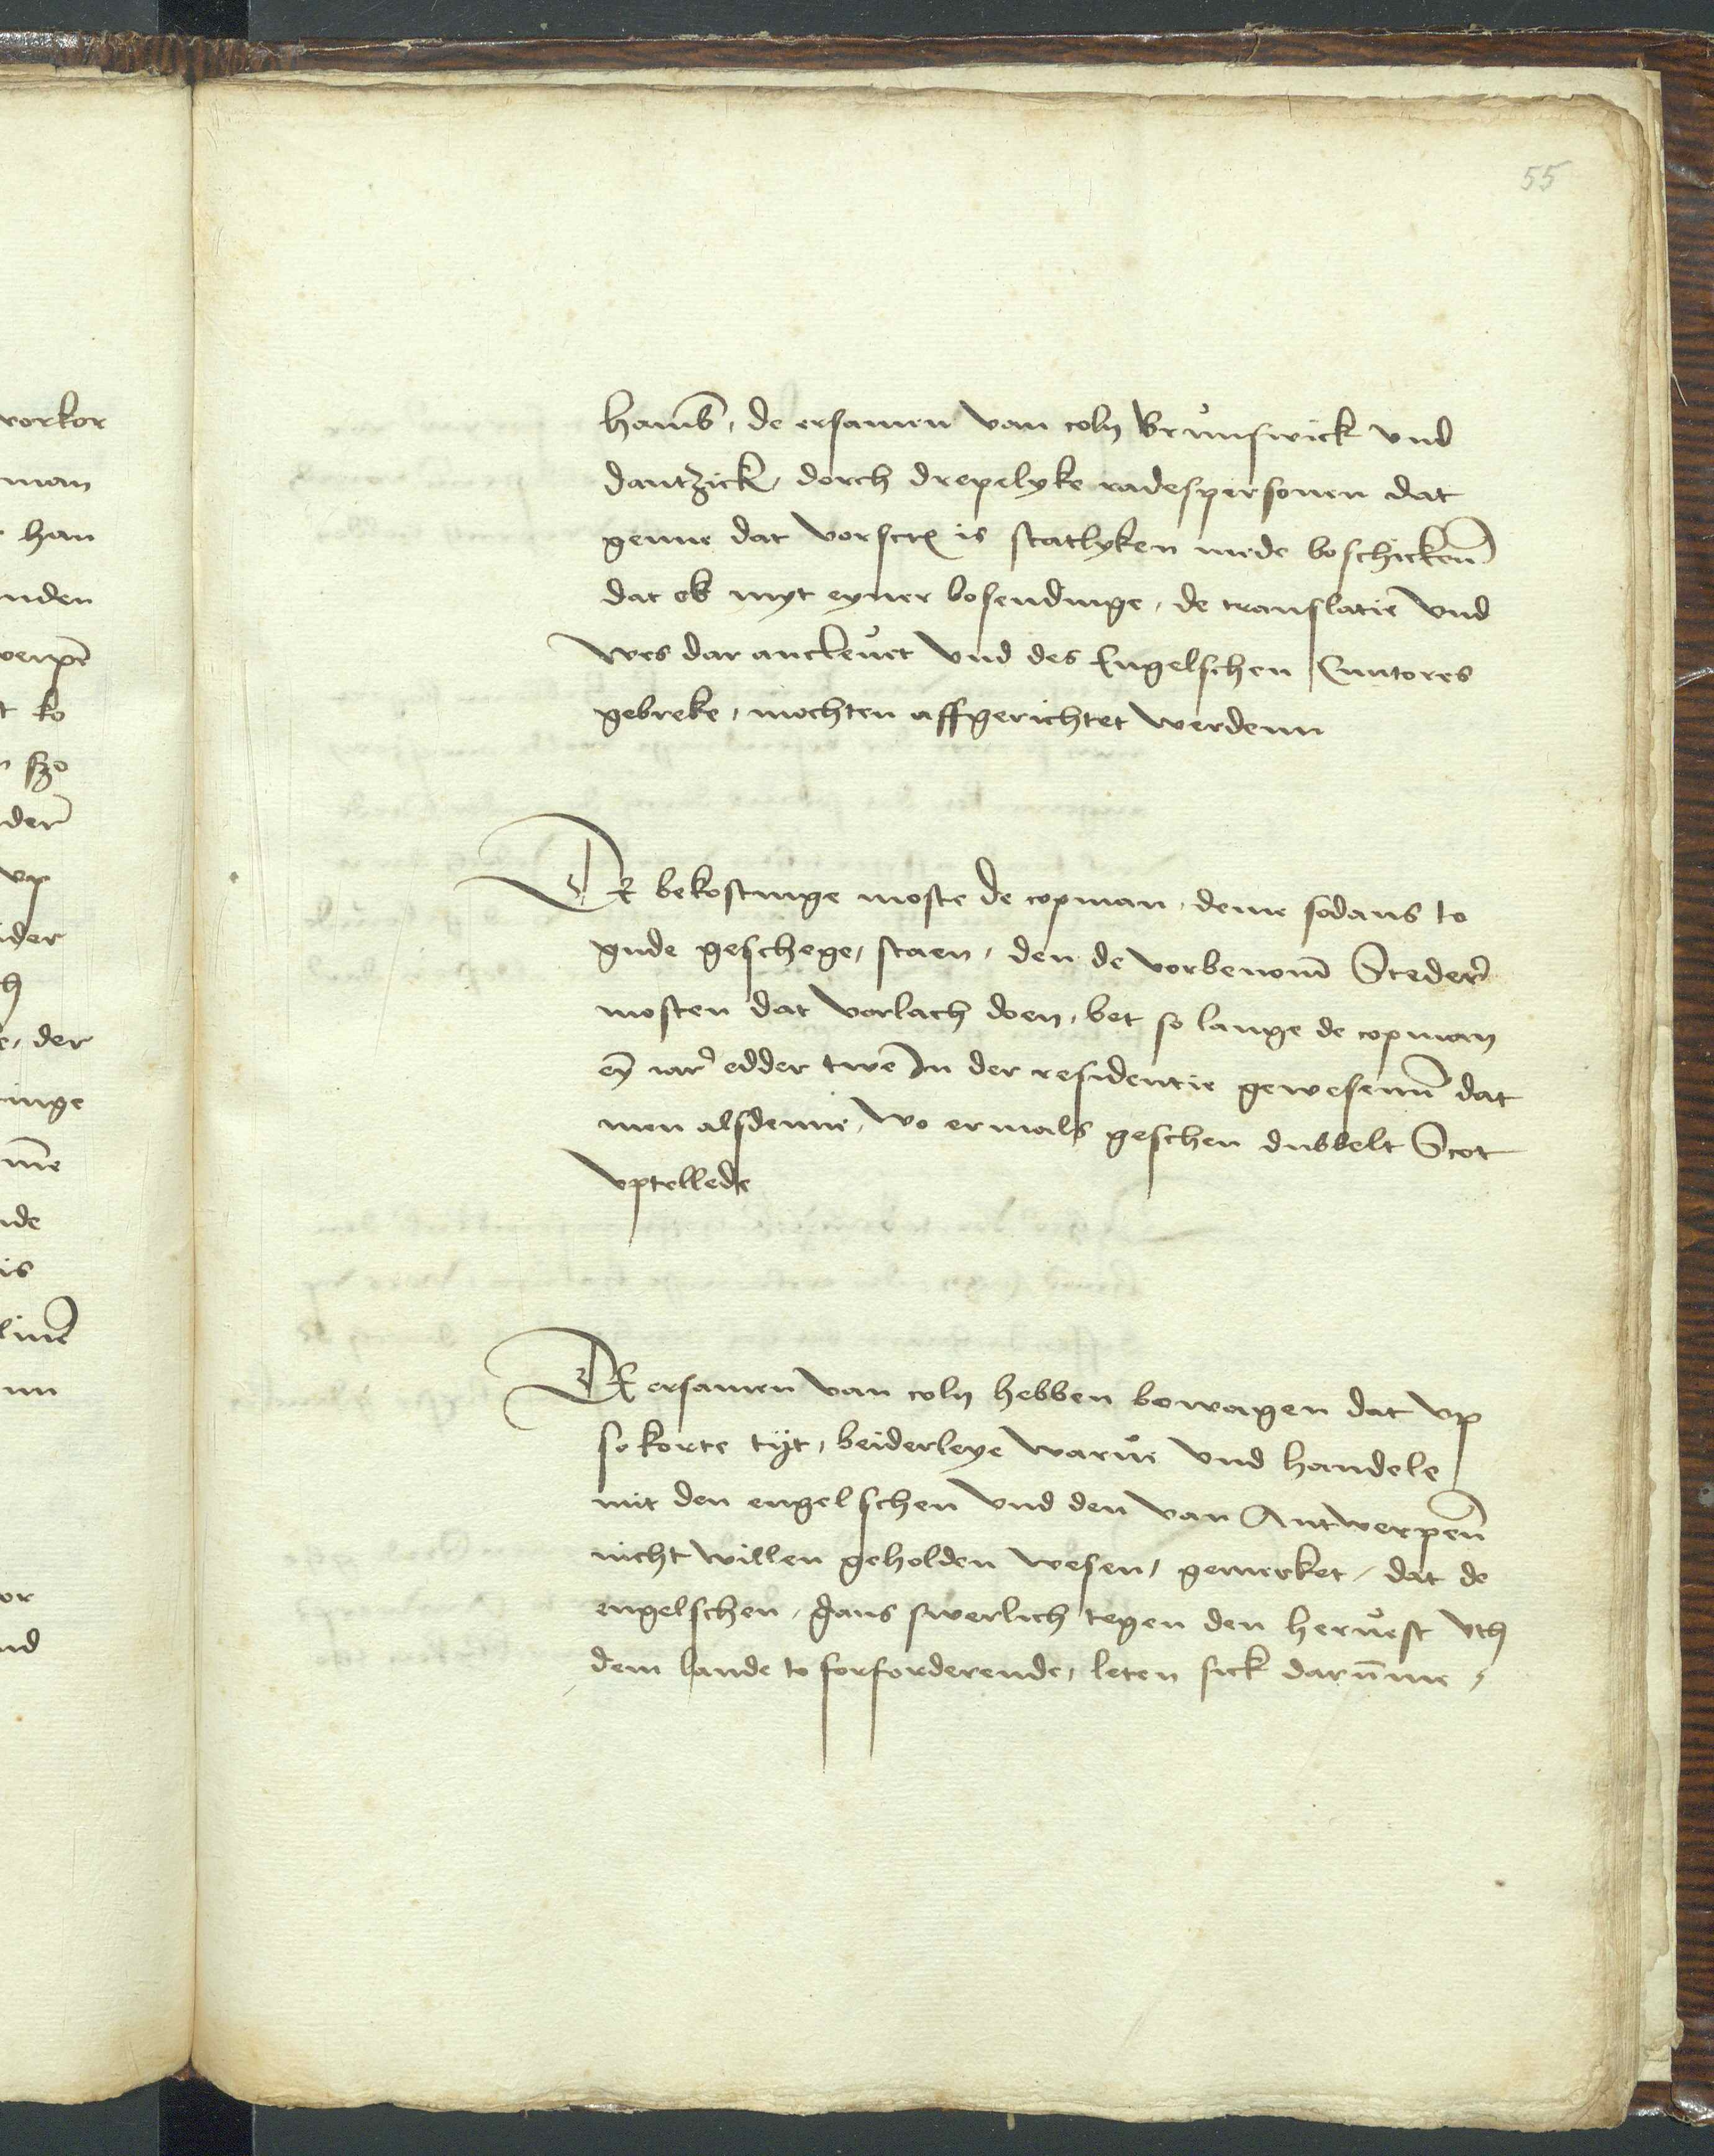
hamburg, de ersamen van coln Brunswick vnd
Dantzick dorch drepelyke radespersonen dat
genne dat vorscreuen is statlyken mede boschicken
dat ok myt eyner bosendinge, de translatie vnd
wes dar ancleuet vnd des Engelschen Cuntores
gebreke, mochten affgerichtet werdenn
De bekostinge moste de copman, deme sodans to
gude geschege, staen, den de vorbenomede Steder
mosten dat vorlach doen, bet so lange de copman
eyn iar edder twe Jn der residentie gewesenn dat men
alsdenne wo ermals geschen dubbelt Scot
vptellede
De ersamen van coln hebben bowagen dat vp
so korte tijt, beiderleye warue vnd handele
mit den engelschen vnd den van Antwerpen
nicht willen geholden wesen, gemerket, dat de
engelschen, gans swerlich tegen den heruest vth
de lande to forforderende, leten sick darumme,
